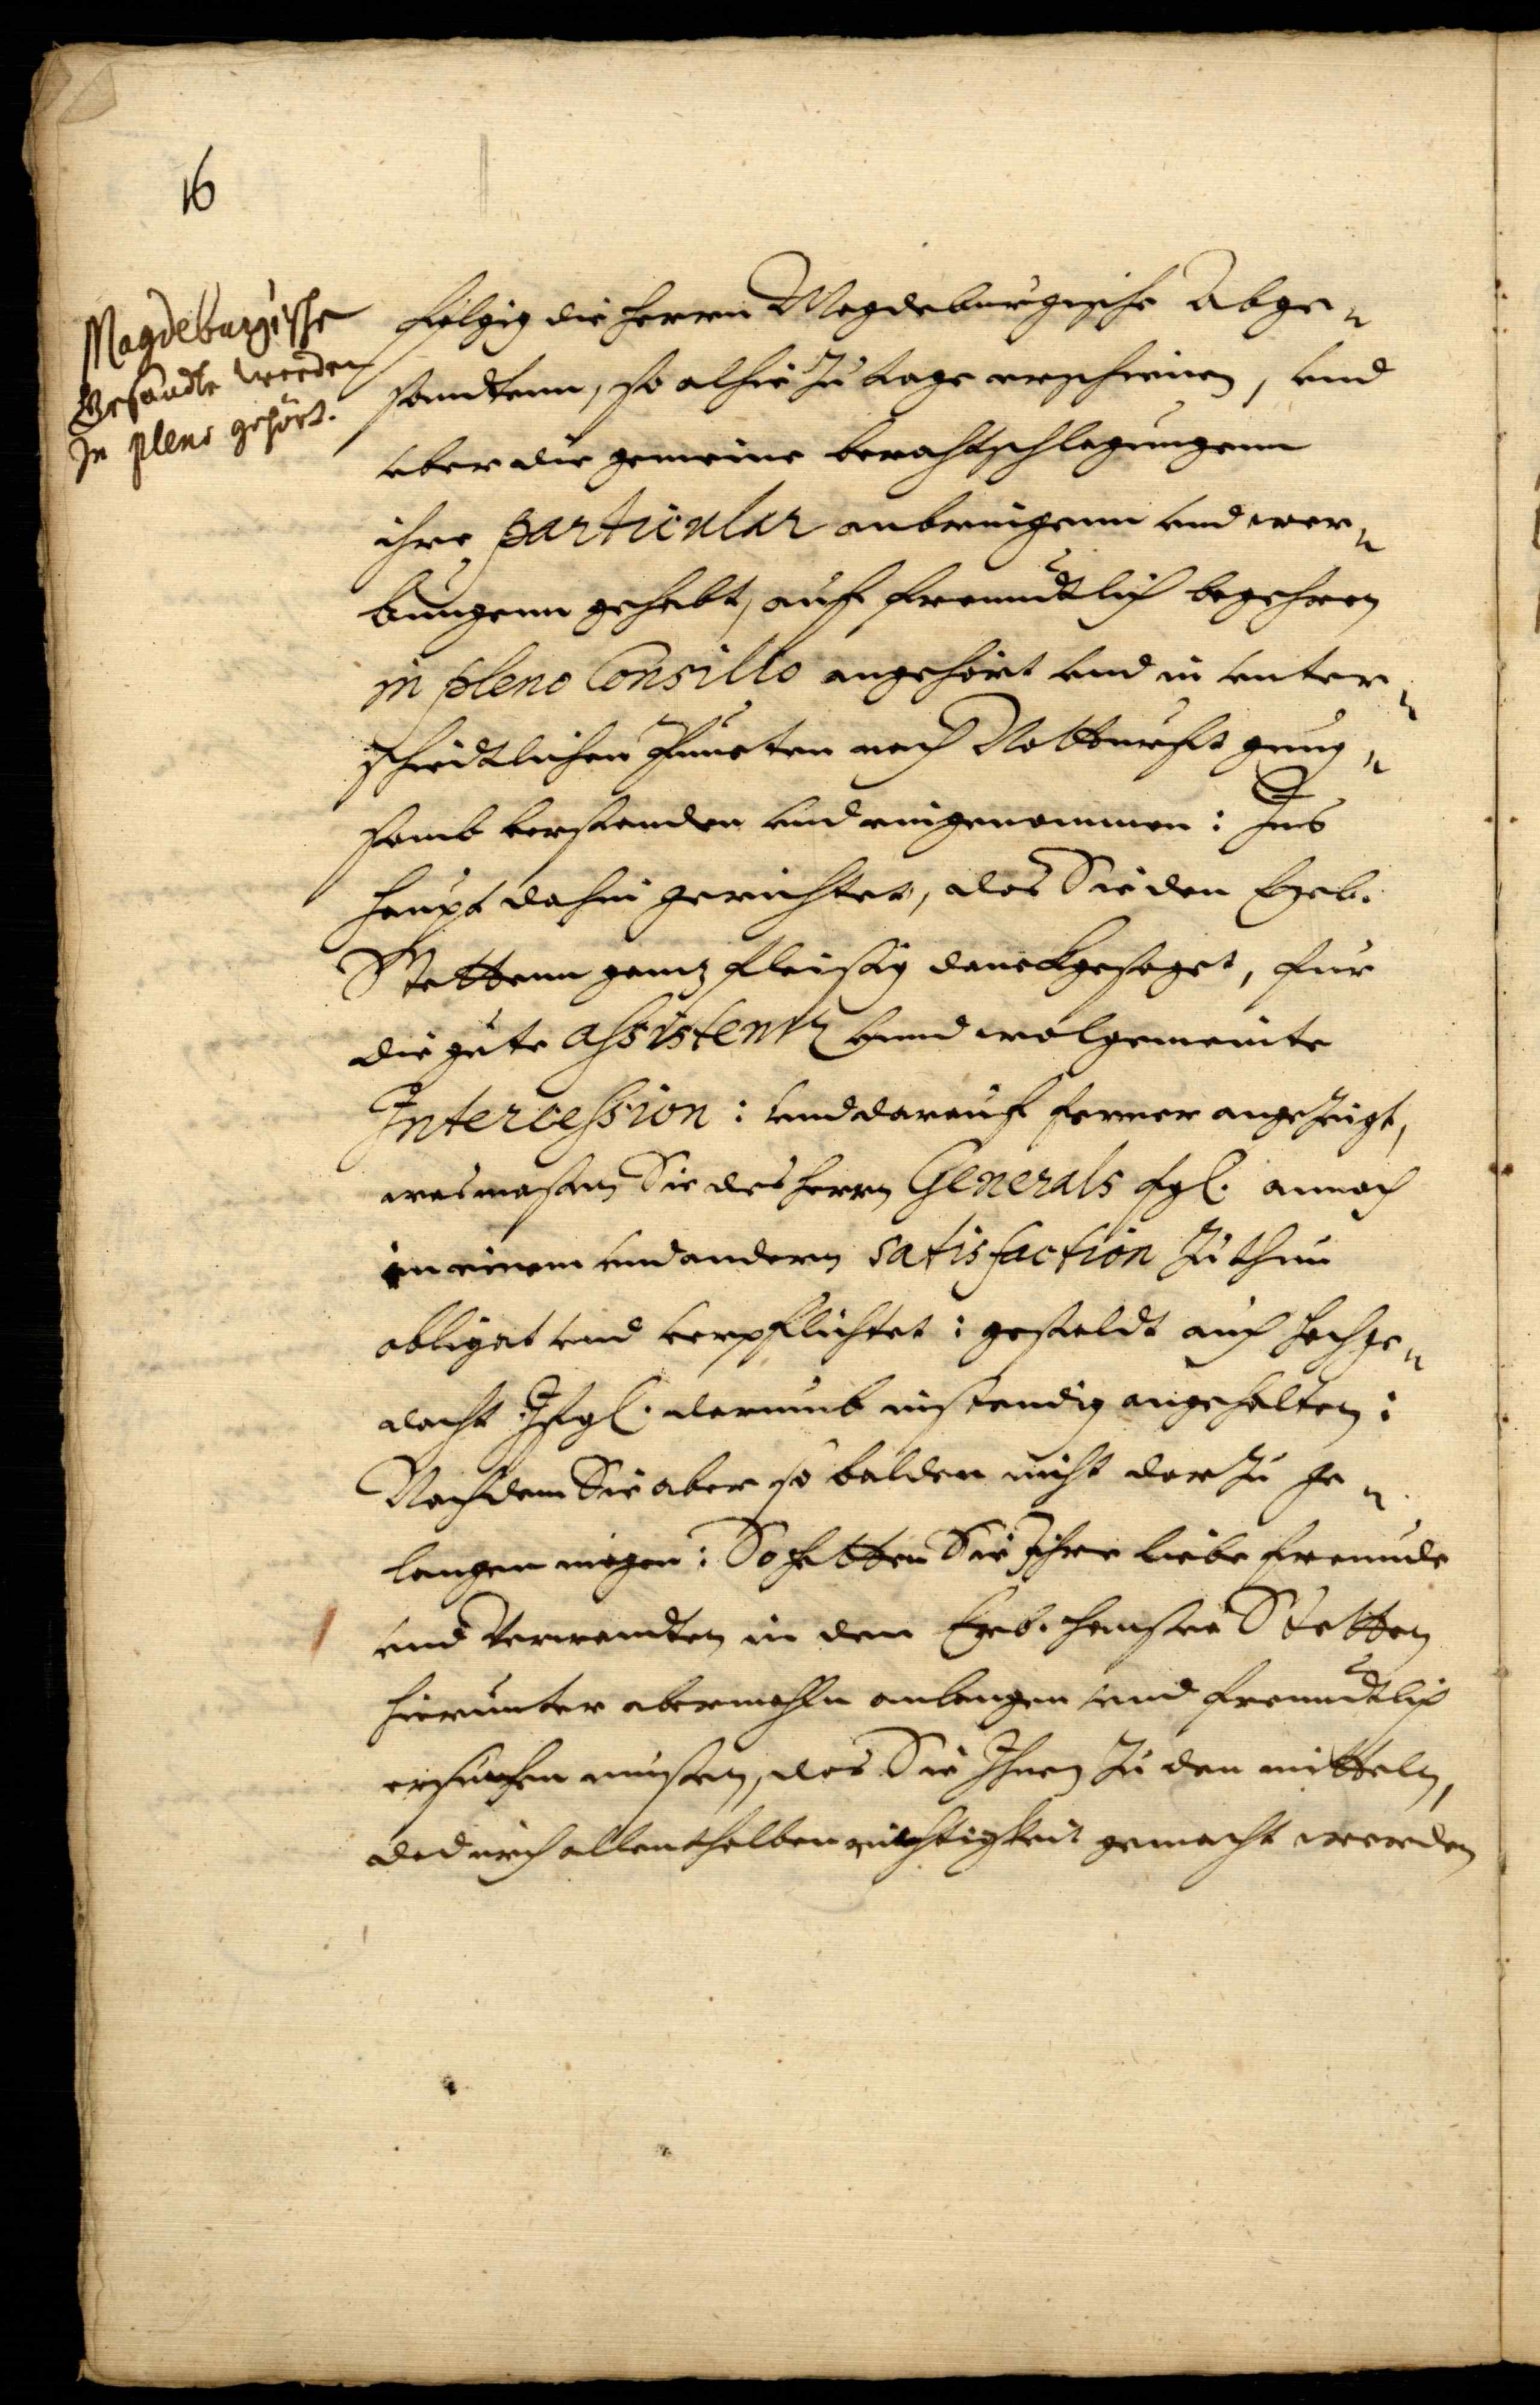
16
Magdeburgische
Gesandte werden
in pleno gehört.
felgig die herrn Magdeburgische abge¬
sandten, so alhie Zu tage erschienen, vnd
vber die gemeine berahtschlagungenn
ihre particular anbringenn vnd wer¬
bungenn gehabt, auf freundtlich begehren
in pleno Consilllo angehört vnd in vnter¬
schiedtlichen Puncten nach Notturft gnug¬
samb verstanden vnd eingenommen: Ins
haupt dahin gerichtet, das Sie den Erb.
Stettenn gantz fleißig danckgesaget, fur
die gute assistentz vnnd wolgemeinte
Intercession: vnd darauf ferner angezeigt,
was maßen Sie des herrn Generals fgl. annoch
in einem vnd andern satisfaction zu thun
obligat vnd verpflichtet: gesteldt auch hochge¬
dacht Ifgl. darumb instendig angehalten:
Nachdem Sie aber so balden nicht darzu ge¬
langen mogen: So hetten Sie Ihre liebe freunde
vnd Verwandten in den Erb. hansee Stetten
hierunter abermahln anlangen und freundtlich
ersuchen mussen, das Sie Ihnen zu den mitteln,
dadurch allenthalben richtigkeit gemacht werden
